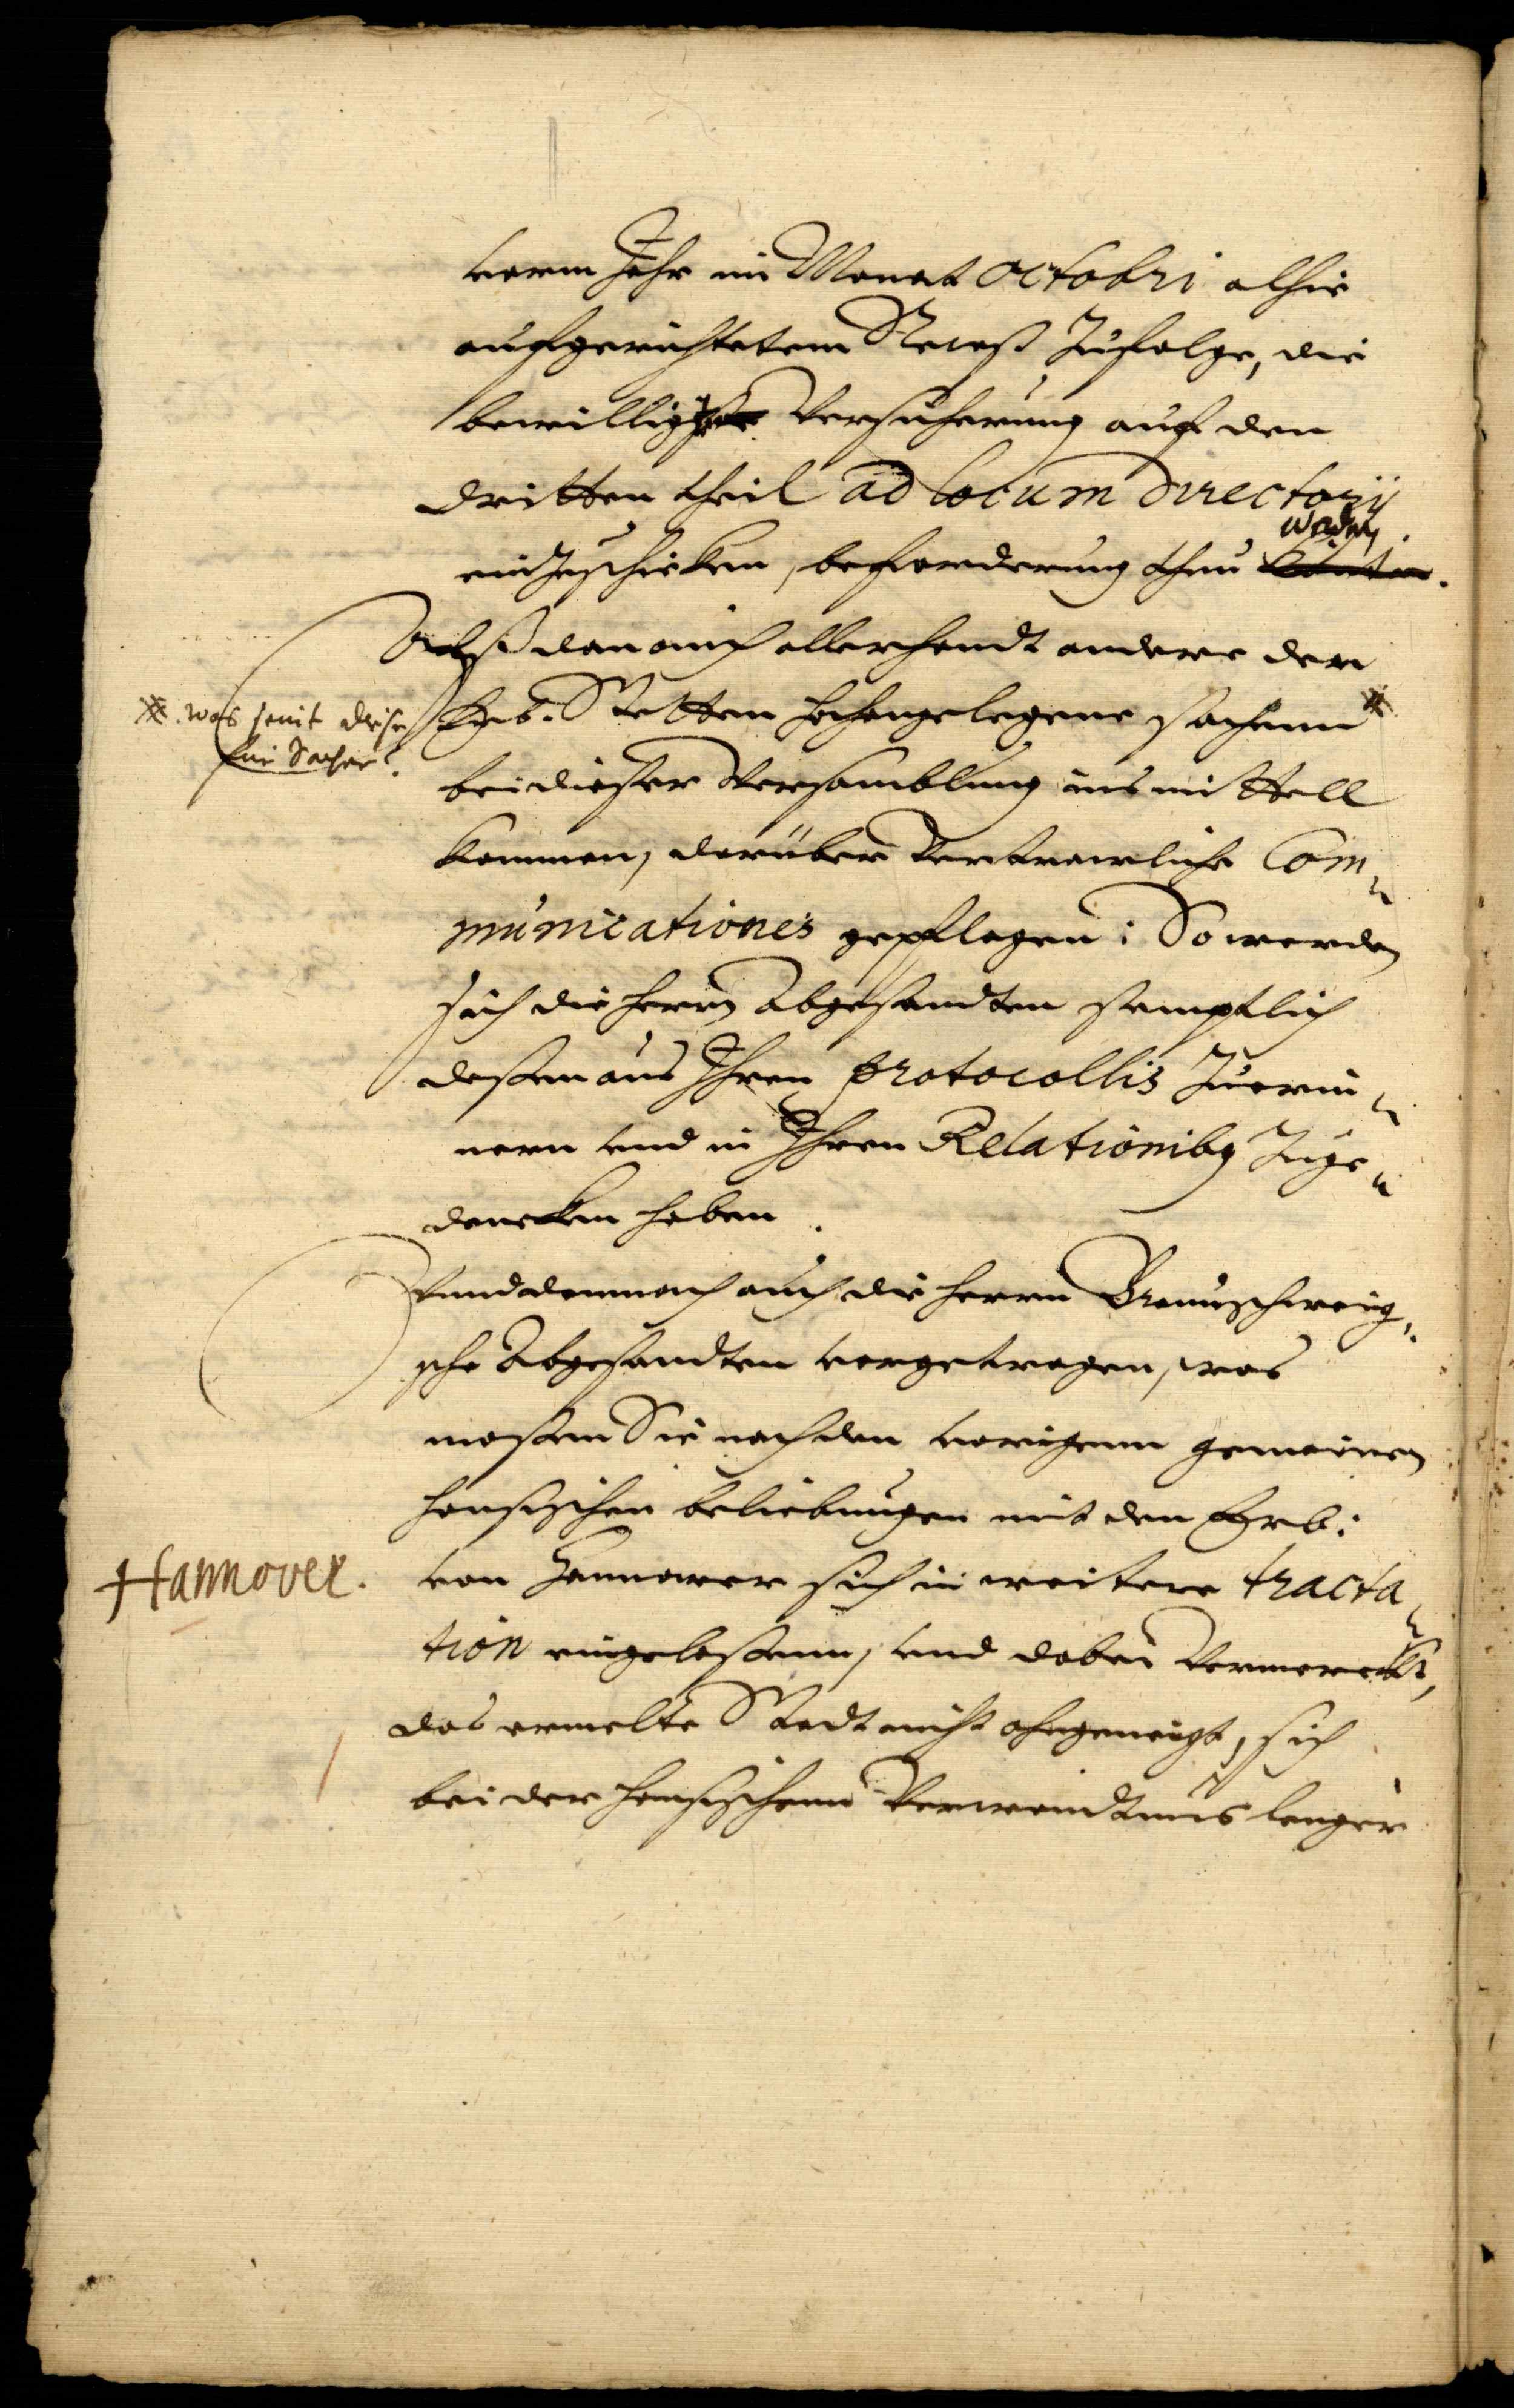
# was seint diese
fur Sachen?
Hannover
vorm Jahr im Monat octobri alhie
aufgerichtetem Recess zufolge, die
bewilligtsche Versicherung auf den
dritten theil ad locum directorij
werden
einzuschicken, beforderung thun könten.
Alß dan auch allerhandt andere der
Erb. Stetten hochengelegene Sachenn #
bei dieser Versamblung aus mittell
kommen, darüber Vertrewliche Com¬
municationes gepflogen: So werden
sich die herren Abgesandten semptlich
deßen aus Ihren protocollis zuerin¬
nern vnd in Ihren Relationibus zuge¬
dencken haben.
Vnnd demnach auch die herrn Braunschweig¬
sche Abgesandten vorgetragen, was
maßen Sie nach den vorigenn gemeinen
Hansischen beliebungen mit den Erb:
von Hannower sich in weitere Tracta¬
tion eingelaßenn, vnd dabei Vermerckt,
das ermelte Stadt nicht ohngeneigt, sich
bei der Hanßischenn Verwandtnus langer
